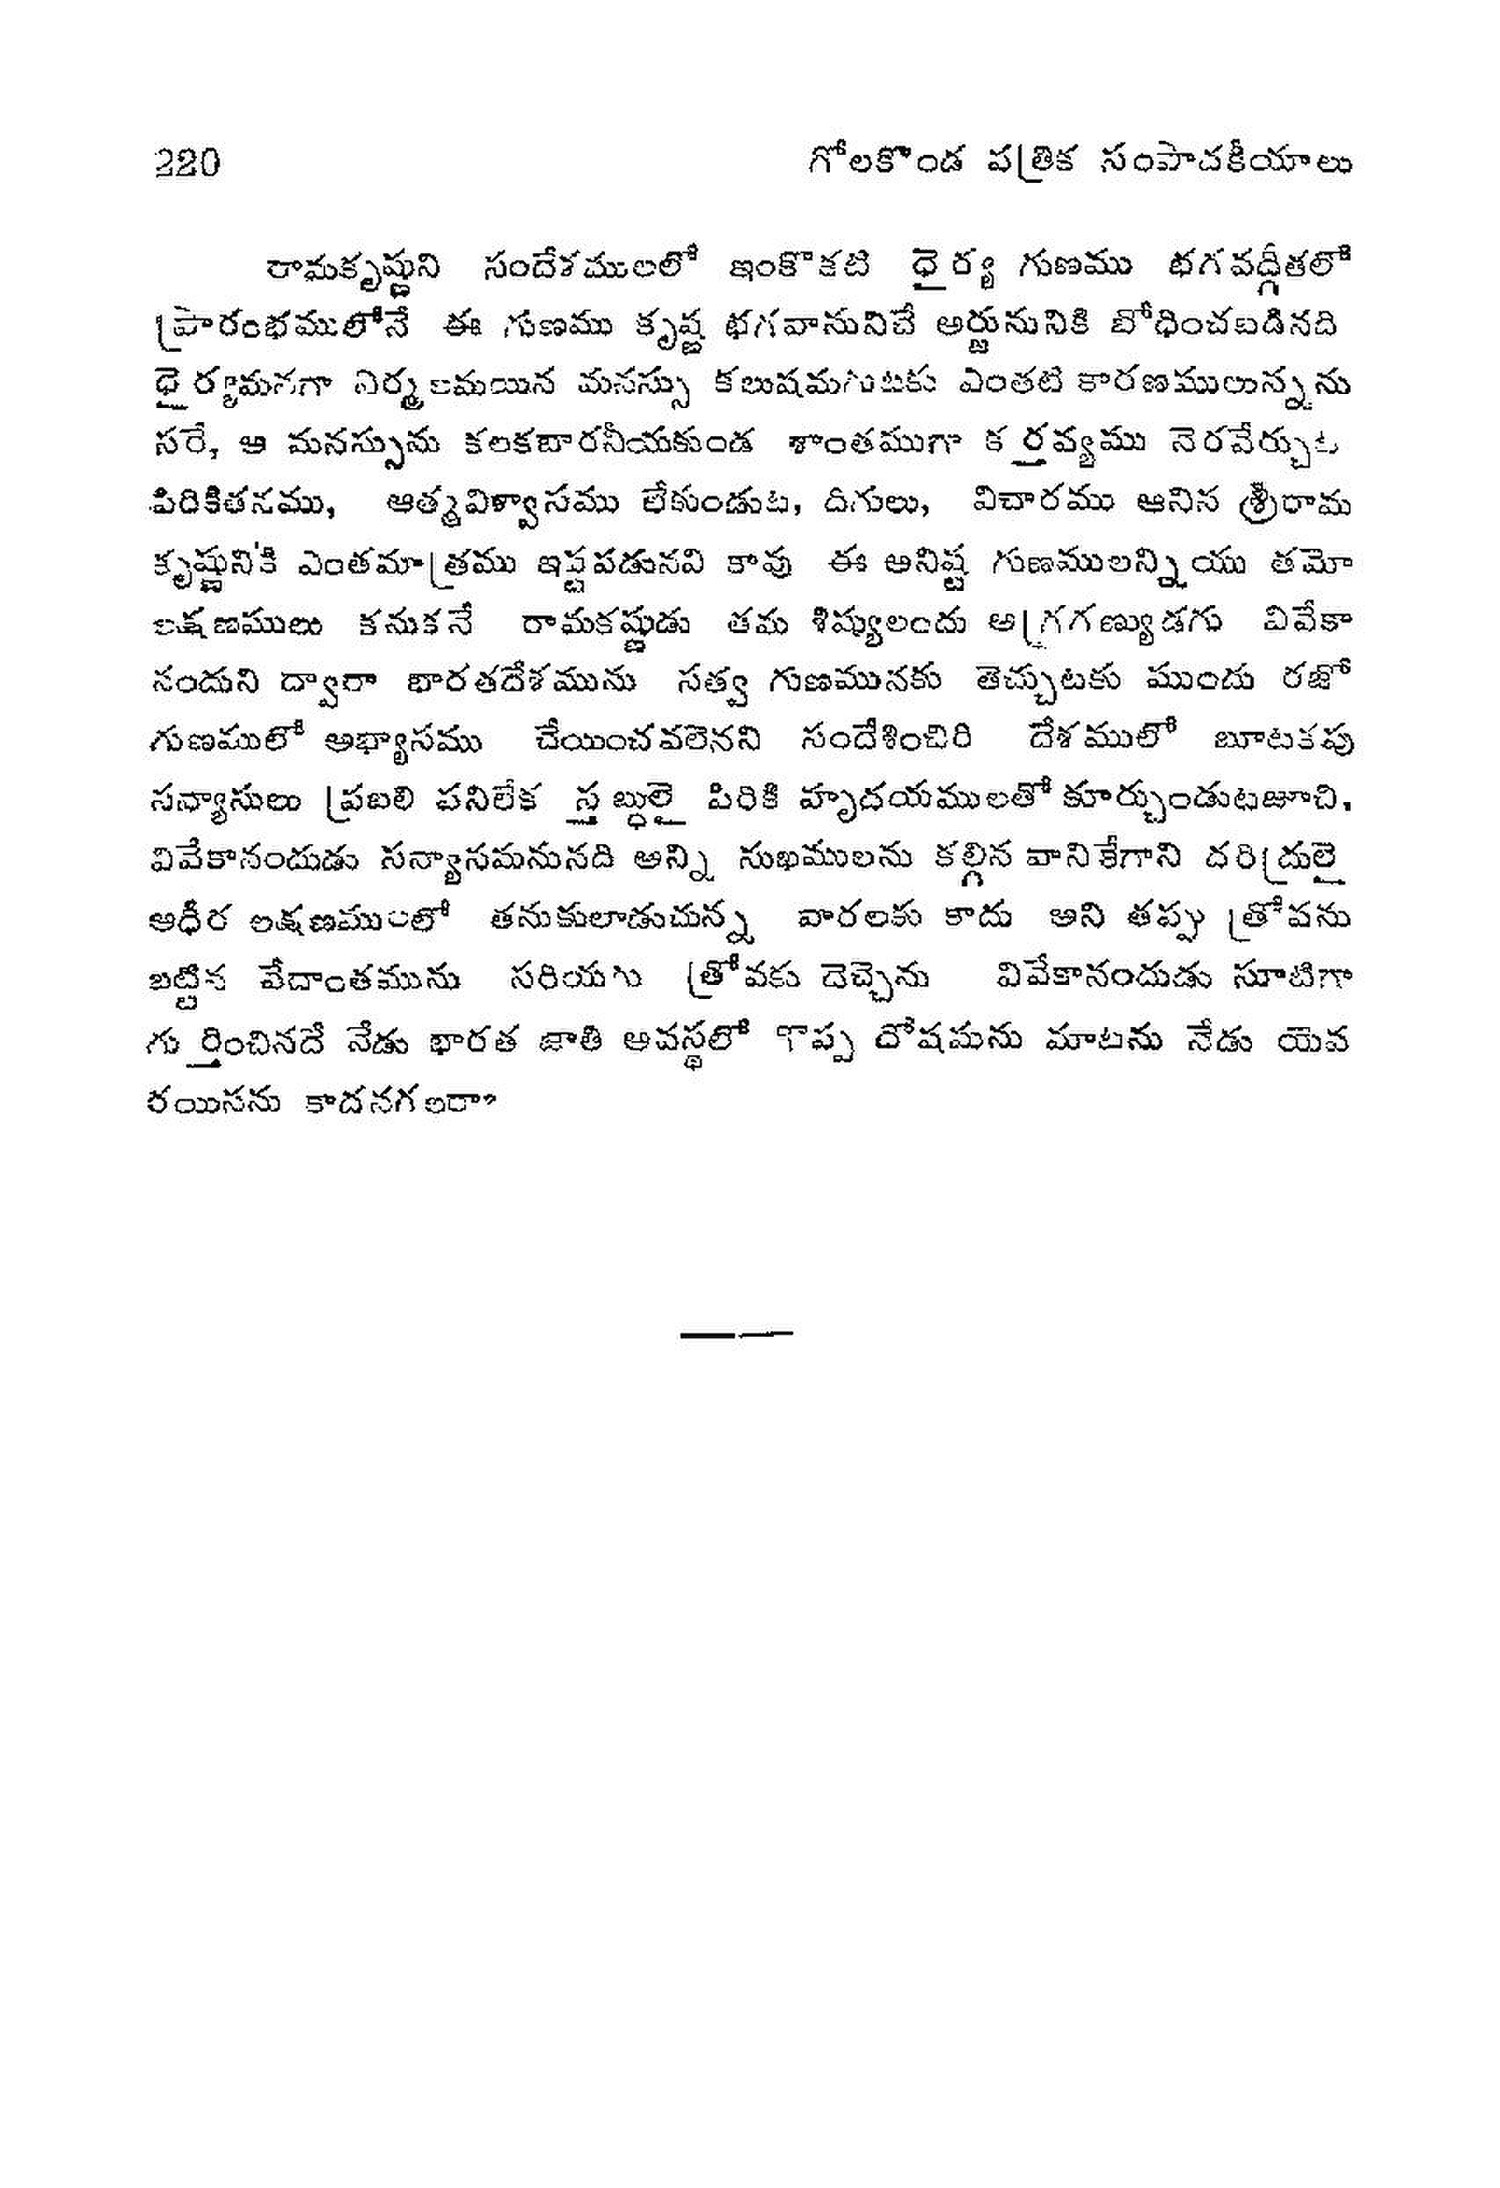రామకృష్ణుని సందేశములలో ఇంకొకటి ధైర్య గుణము భగవద్గీతలో ప్రారంభములోనే ఈ గుణము కృష్ణ భగవానునిచే అర్జునునికి బోధించబడినది ధైర్యమనగా నిర్మలమయిన మనస్సు కలుషమగుటకు ఎంతటి కారణములున్నను సరే, ఆ మనస్సును కలకబారనీయకుండ శాంతముగా కర్తవ్యము నెరవేర్చుట పిరికితనము, ఆత్మవిశ్వాసము లేకుండుట, దిగులు, విచారము అనిన శ్రీరామకృష్ణునికి ఎంతమాత్రము ఇష్టపడునవి కావు ఈ అనిష్ట గుణములన్నియు తమోలక్షణములు కనుకనే రామకష్ణుడు తమ శిష్యులందు అగ్రగణ్యుడగు వివేకానందుని ద్వారా భారతదేశమును సత్వ గుణమునకు తెచ్చుటకు ముందు రజోగుణములో అభ్యాసము చేయించవలెనని సందేశించిరి దేశములో బూటకపు సన్యాసులు ప్రబలి పనిలేక స్తబ్ధులై పిరికి హృదయములతో కూర్చుండుటజూచి, వివేకానందుడు సన్యాసమనునది అన్ని సుఖములను కల్గిన వానికేగాని దరిద్రులై అధీర లక్షణములలో తనుకులాడుచున్న వారలకు కాదు అని తప్పు త్రోవను బట్టిన వేదాంతమును సరియగు త్రోవకు దెచ్చెను వివేకానందుడు సూటిగా గుర్తించినదే నేడు భారత జాతి అవస్థలో గొప్ప దోషమును మాటను నేడు యెవరయినను కాదనగలరా?